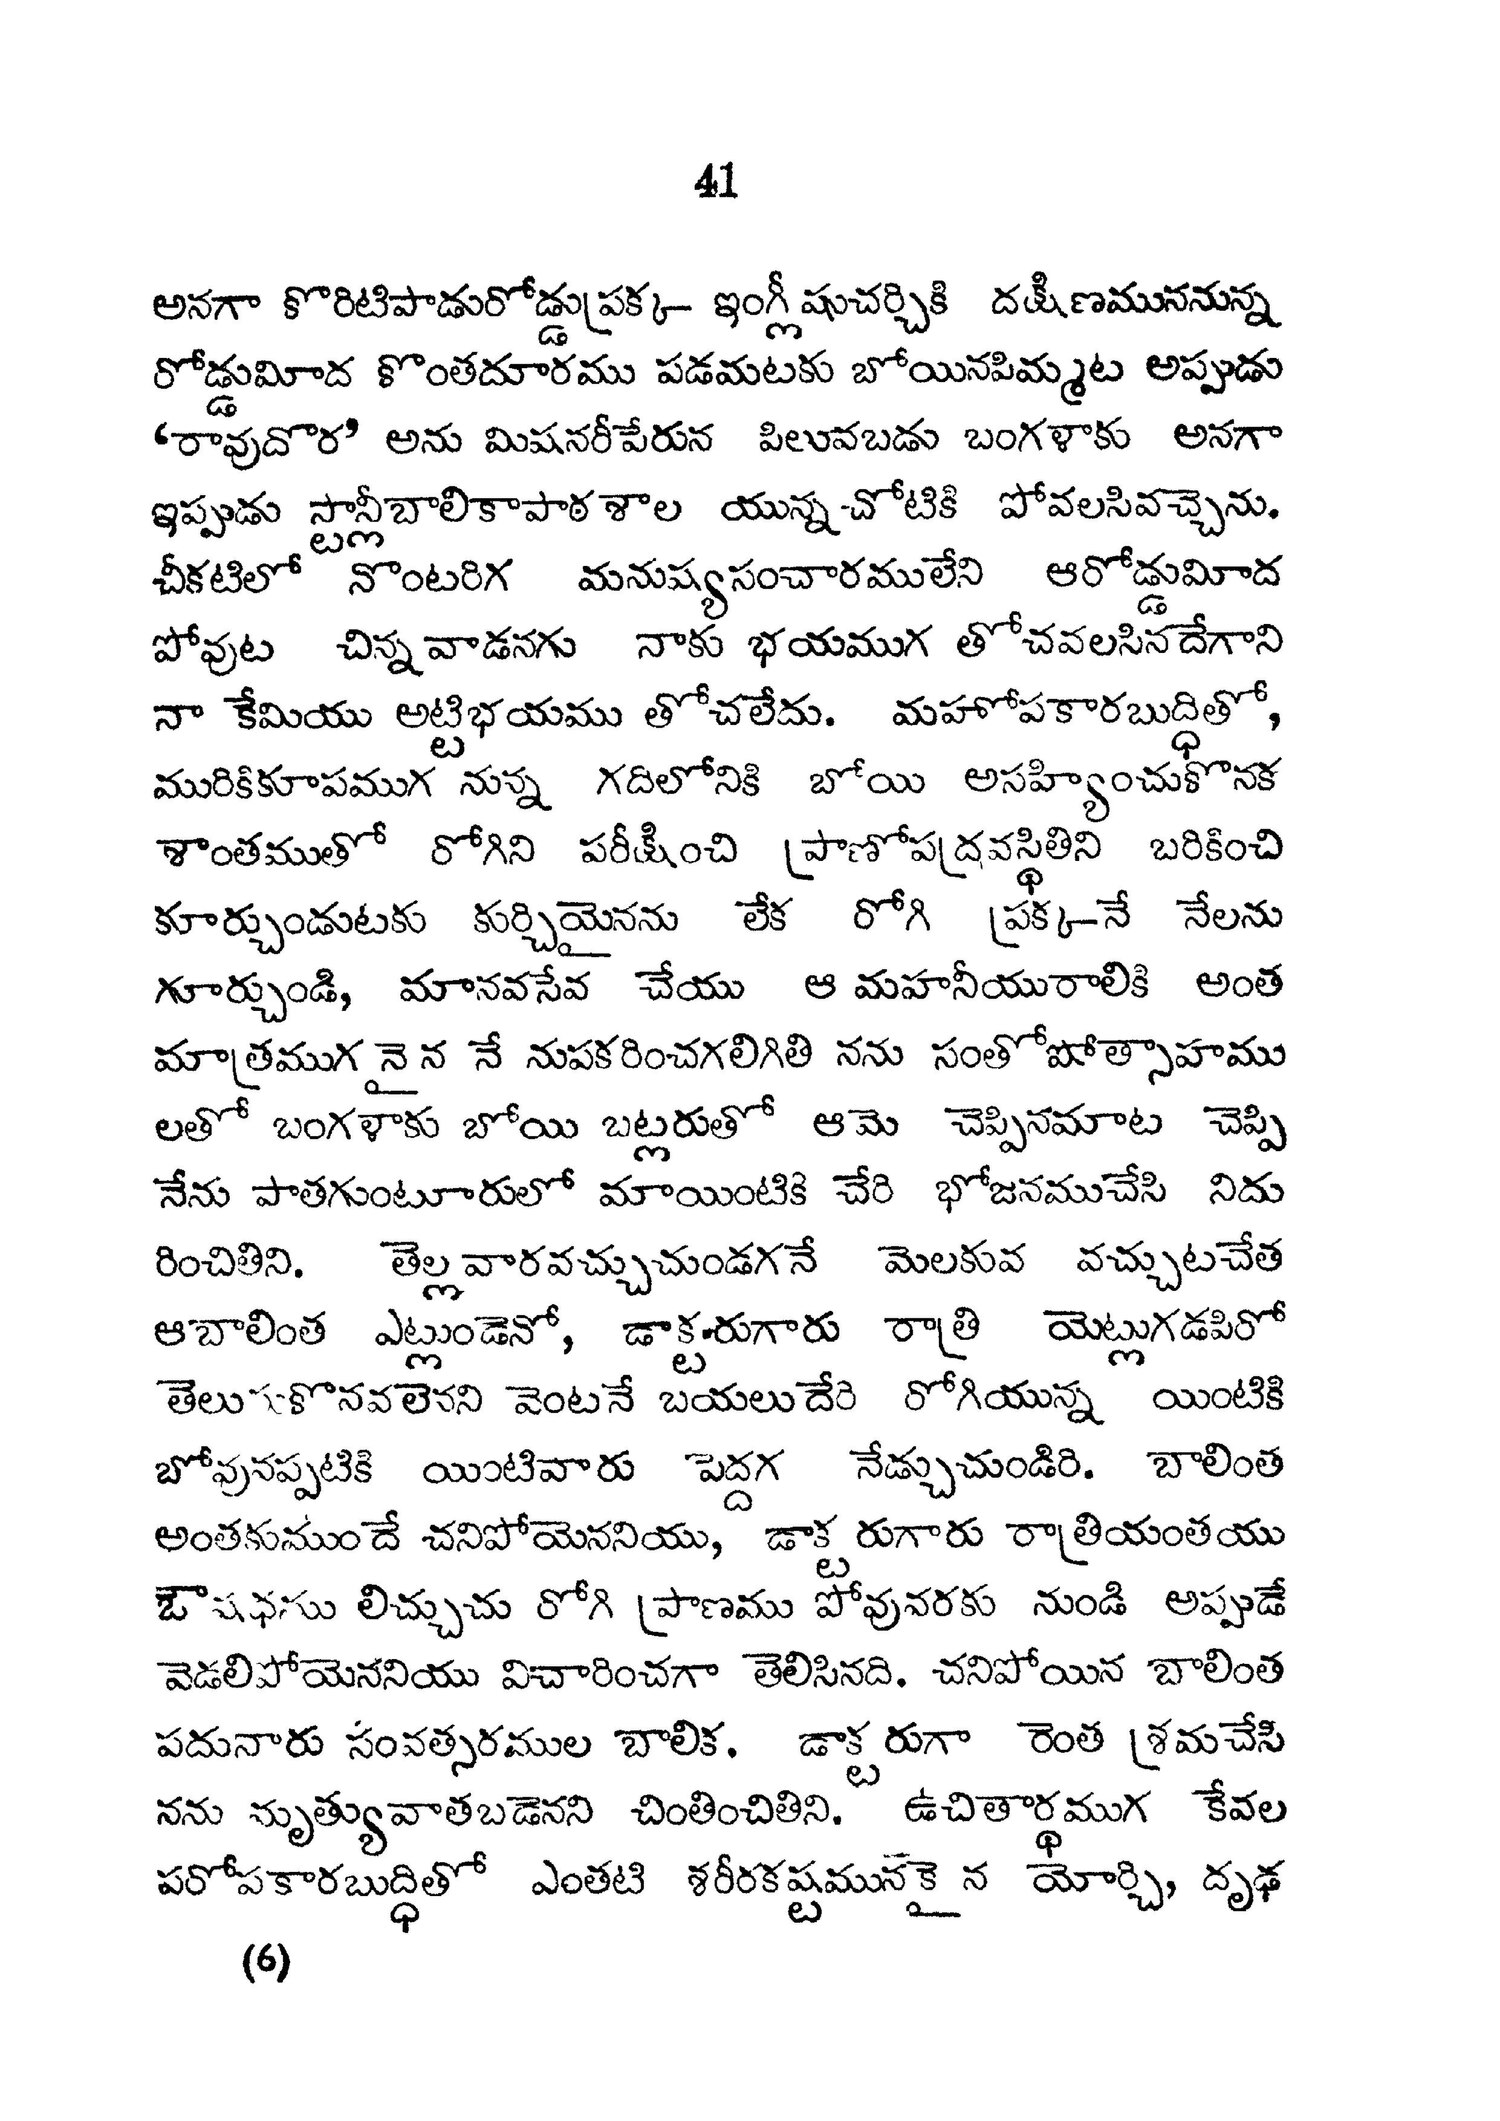అనగా కొరిటిపాడురోడ్డుప్రక్క ఇంగ్లీషుచర్చికి దక్షిణముననున్న రోడ్డుమీద కొంతదూరము పడమటకు బోయినపిమ్మట అప్పుడు 'రావుదొర' అను మిషనరీపేరున పిలువబడు బంగళాకు అనగా ఇప్పుడు స్టాన్లీబాలికాపాఠశాల యున్నచోటికి పోవలసివచ్చెను. చీకటిలో నొంటరిగ మనుష్యసంచారములేని ఆరోడ్డుమీదపోవుట చిన్నవాడనగు నాకు భయముగ తోచవలసినదేగాని నా కేమియు అట్టిభయము తోచలేదు. మహోపకారబుద్ధితో, మురికికూపముగ నున్న గదిలోనికి బోయి అసహ్యించుకొనక శాంతముతో రోగిని పరీక్షించి ప్రాణోపద్రవస్థితిని బరికించి కూర్చుండుటకు కుర్చియైనను లేక రోగి ప్రక్కనే నేలను గూర్చుండి, మానవసేవ చేయు ఆ మహనీయురాలికి అంత మాత్రముగనైన నే నుపకరించగలిగితి నను సంతోషోత్సాహములతో బంగళాకు బోయి బట్లరుతో ఆమె చెప్పినమాట చెప్పి నేను పాతగుంటూరులో మాయింటికి చేరి భోజనముచేసి నిదురించితిని. తెల్లవారవచ్చుచుండగనే మెలకువ వచ్చుటచేత ఆబాలింత ఎట్లుండెనో, డాక్టరుగారు రాత్రి యెట్లుగడపిరో తెలుసుకొనవలెనని వెంటనే బయలుదేరి రోగియున్న యింటికి బోవునప్పటికి యింటివారు పెద్దగ నేడ్చుచుండిరి. బాలింత అంతకుముందే చనిపోయెననియు, డాక్టరుగారు రాత్రియంతయు ఔషధము లిచ్చుచు రోగి ప్రాణము పోవువరకు నుండి అప్పుడే వెడలిపోయెననియు విచారింపగా తెలిసినది. చనిపోయిన బాలింత పదునారు సంవత్సరముల బాలిక. డాక్టరుగా రెంత శ్రమచేసినను మృత్యువాతబడెనని చింతించితిని. ఉచితార్థముగ కేవల పరోపకారబుద్ధితో ఎంతటి శరీరకష్టమునకైన యోర్చి, దృఢ